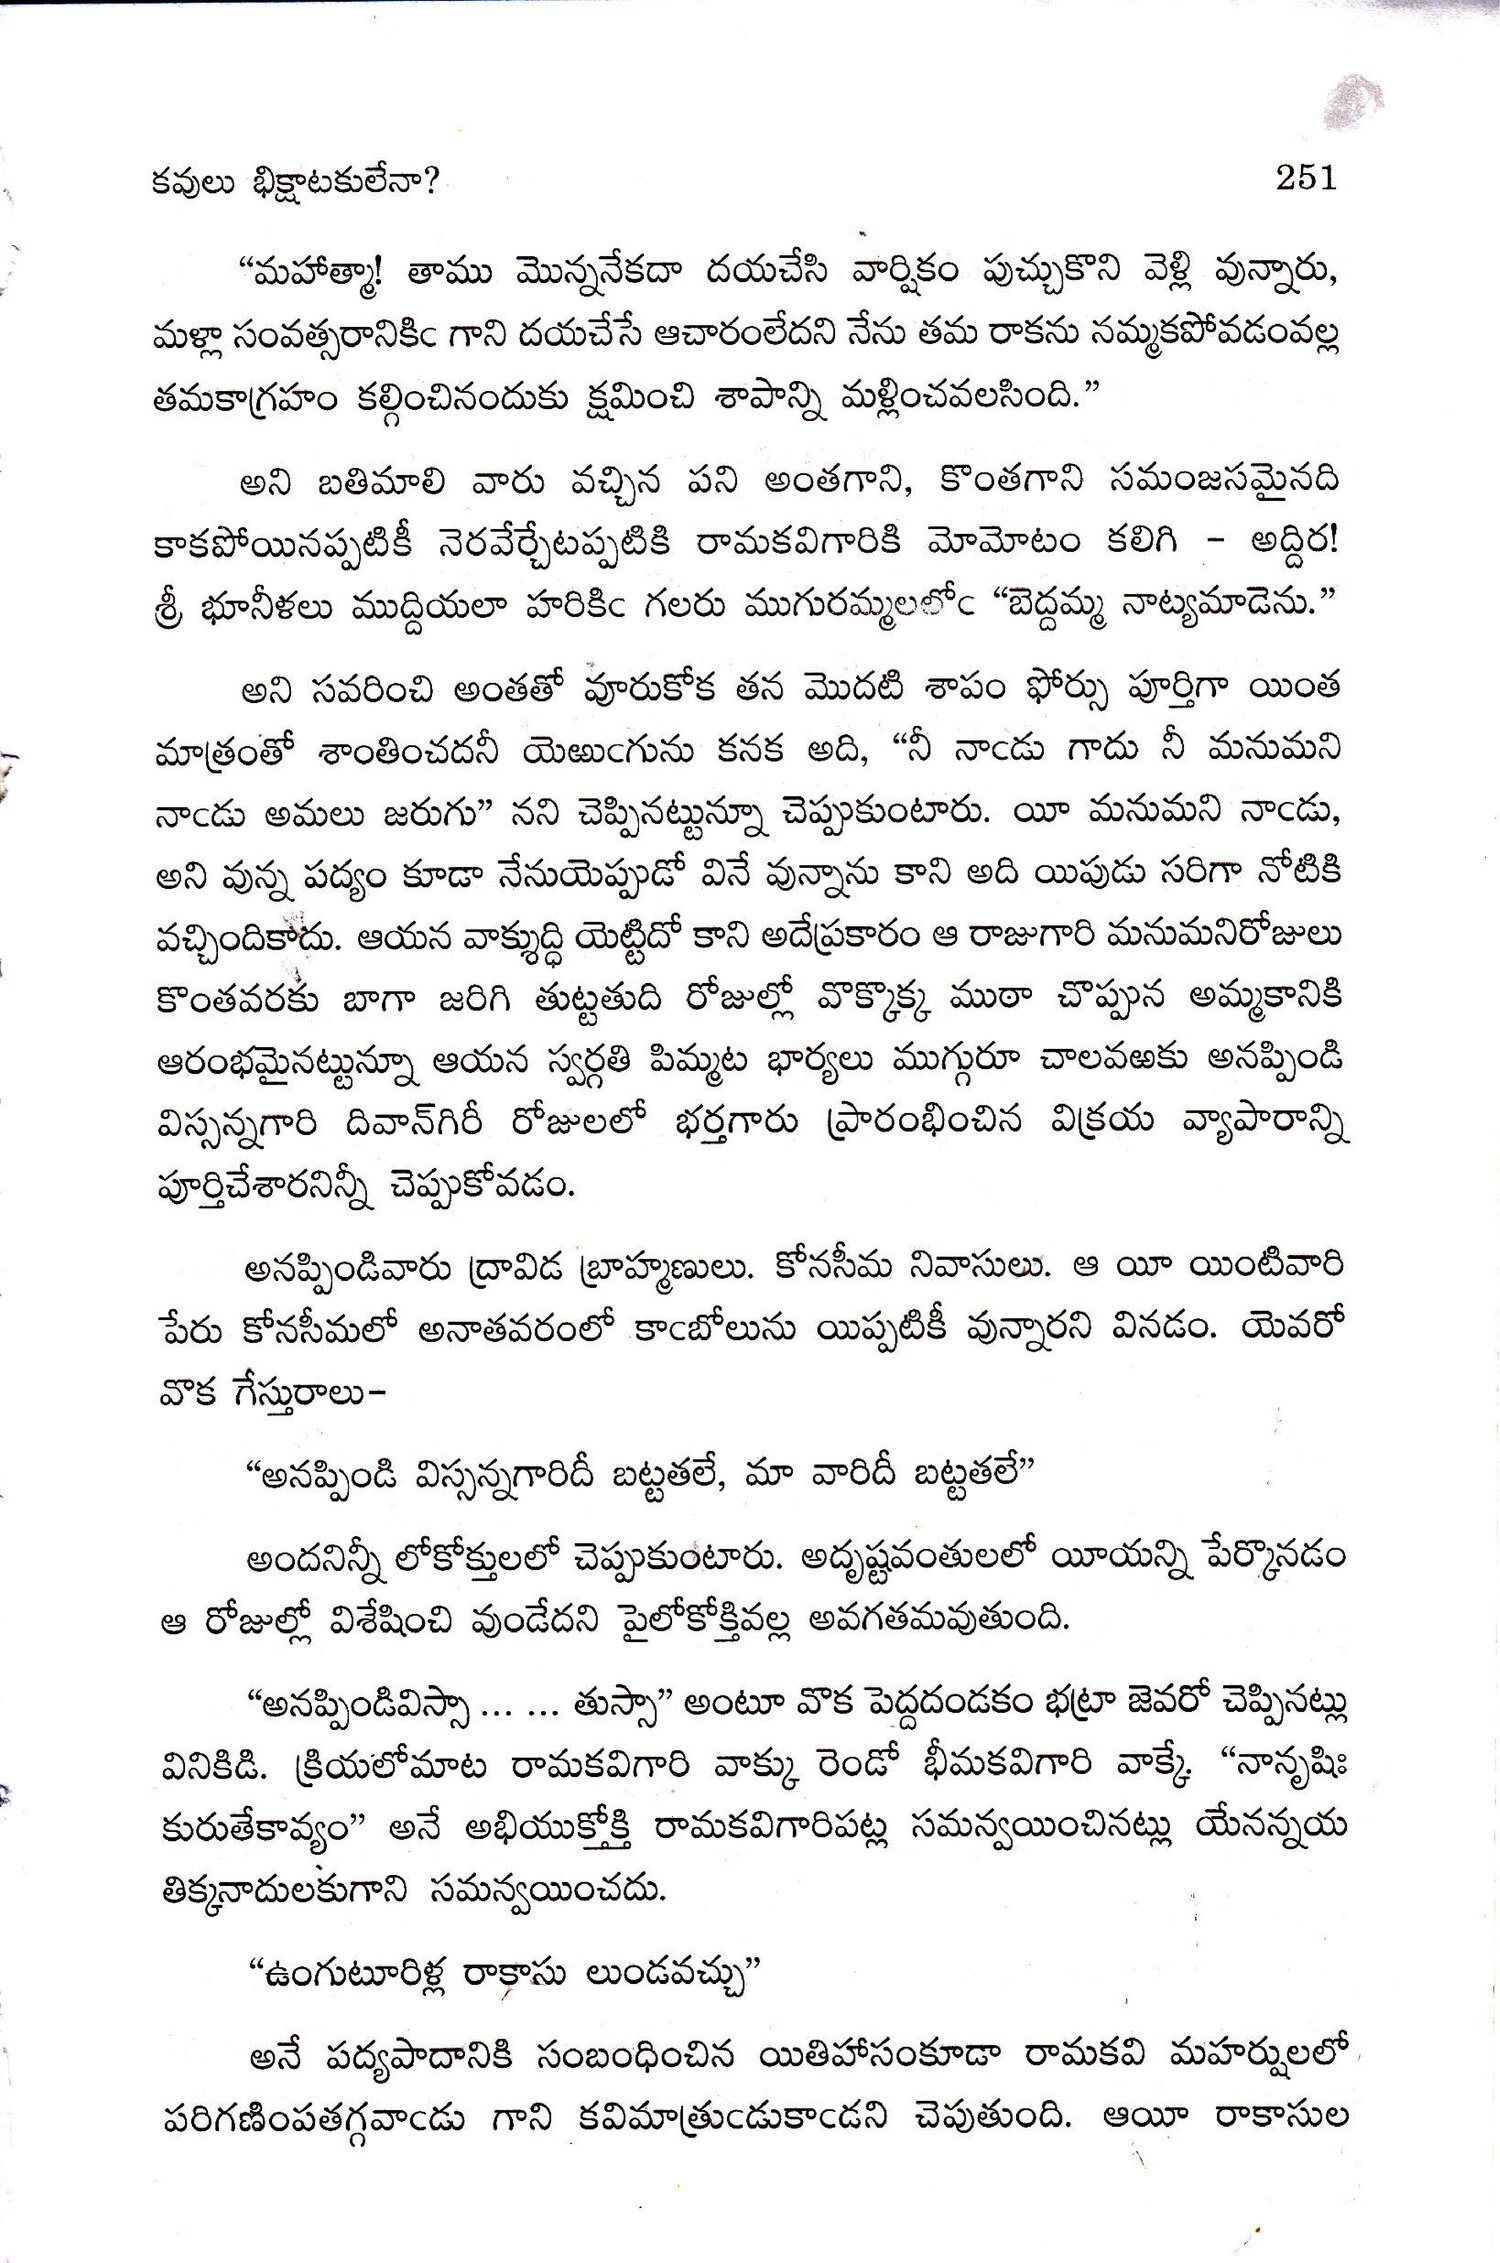"మహాత్మా! తాము మొన్ననేకదా దయచేసి వార్షికం పుచ్చుకొని వెళ్లి వున్నారు, మళ్లా సంవత్సరానికిఁ గాని దయచేసే ఆచారంలేదని నేను తమ రాకను నమ్మకపోవడంవల్ల తమకాగ్రహం కల్గించినందుకు క్షమించి శాపాన్ని మళ్లించవలసింది."

అని బతిమాలి వారు వచ్చిన పని అంతగాని, కొంతగాని సమంజసమైనది కాకపోయినప్పటికీ నెరవేర్చేటప్పటికి రామకవిగారికి మోమోటం కలిగి - అద్దిర! శ్రీ భూనీళలు ముద్దియలా హరికిఁ గలరు ముగురమ్మలలోఁ "బెద్దమ్మ నాట్యమాడెను.”

అని సవరించి అంతతో వూరుకోక తన మొదటి శాపం ఫోర్సు పూర్తిగా యింత మాత్రంతో శాంతించదనీ యెఱుఁగును కనక అది, “నీ నాఁడు గాదు నీ మనుమని నాఁడు అమలు జరుగు" నని చెప్పినట్టున్నూ చెప్పుకుంటారు. యీ మనుమని నాఁడు, అని వున్న పద్యం కూడా నేనుయెప్పుడో వినే వున్నాను కాని అది యిపుడు సరిగా నోటికి వచ్చిందికాదు. ఆయన వాక్శుద్ధి యెట్టిదో కాని అదేప్రకారం ఆ రాజుగారి మనుమనిరోజులు కొంతవరకు బాగా జరిగి తుట్టతుది రోజుల్లో వొక్కొక్క ముఠా చొప్పున అమ్మకానికి ఆరంభమైనట్టున్నూ ఆయన స్వర్గతి పిమ్మట భార్యలు ముగ్గురూ చాలవఱకు అనప్పిండి విస్సన్నగారి దివాన్‌గిరీ రోజులలో భర్తగారు ప్రారంభించిన విక్రయ వ్యాపారాన్ని పూర్తిచేశారనిన్నీ చెప్పకోవడం.

అనప్పిండివారు ద్రావిడ బ్రాహ్మణులు. కోనసీమ నివాసులు. ఆ యీ యింటివారిపేరు కోనసీమలో అనాతవరంలో కాఁబోలును యిప్పటికీ వున్నారని వినడం. యెవరో వొక గేస్తురాలు

“అనప్పిండి విస్సన్నగారిదీ బట్టతలే, మా వారిదీ బట్టతలే”

అందనిన్నీ లోకోక్తులలో చెప్పుకుంటారు. అదృష్టవంతులలో యీయన్ని పేర్కొనడం ఆ రోజుల్లో విశేషించి వుండేదని పైలోకోక్తివల్ల అవగతమవుతుంది.

“అనప్పిండివిస్సా ... ... తుస్సా" అంటూ వొక పెద్దదండకం భట్రా జెవరో చెప్పినట్లు వినికిడి. క్రియలో మాట రామకవిగారి వాక్కు రెండో భీమకవిగారి వాక్కే "నానృషిః కురుతేకావ్యం" అనే అభియుక్తోక్తి రామకవిగారిపట్ల సమన్వయించినట్లు యేనన్నయ తిక్కనాదులకుగాని సమన్వయించదు.

"ఉంగుటూరిళ్ల రాకాసు లుండవచ్చు"

అనే పద్యపాదానికి సంబంధించిన యితిహాసంకూడా రామకవి మహర్షులలో
పరిగణింపతగ్గవాఁడు గాని కవిమాత్రుఁడుకాఁడని చెపుతుంది. ఆయీ రాకాసుల